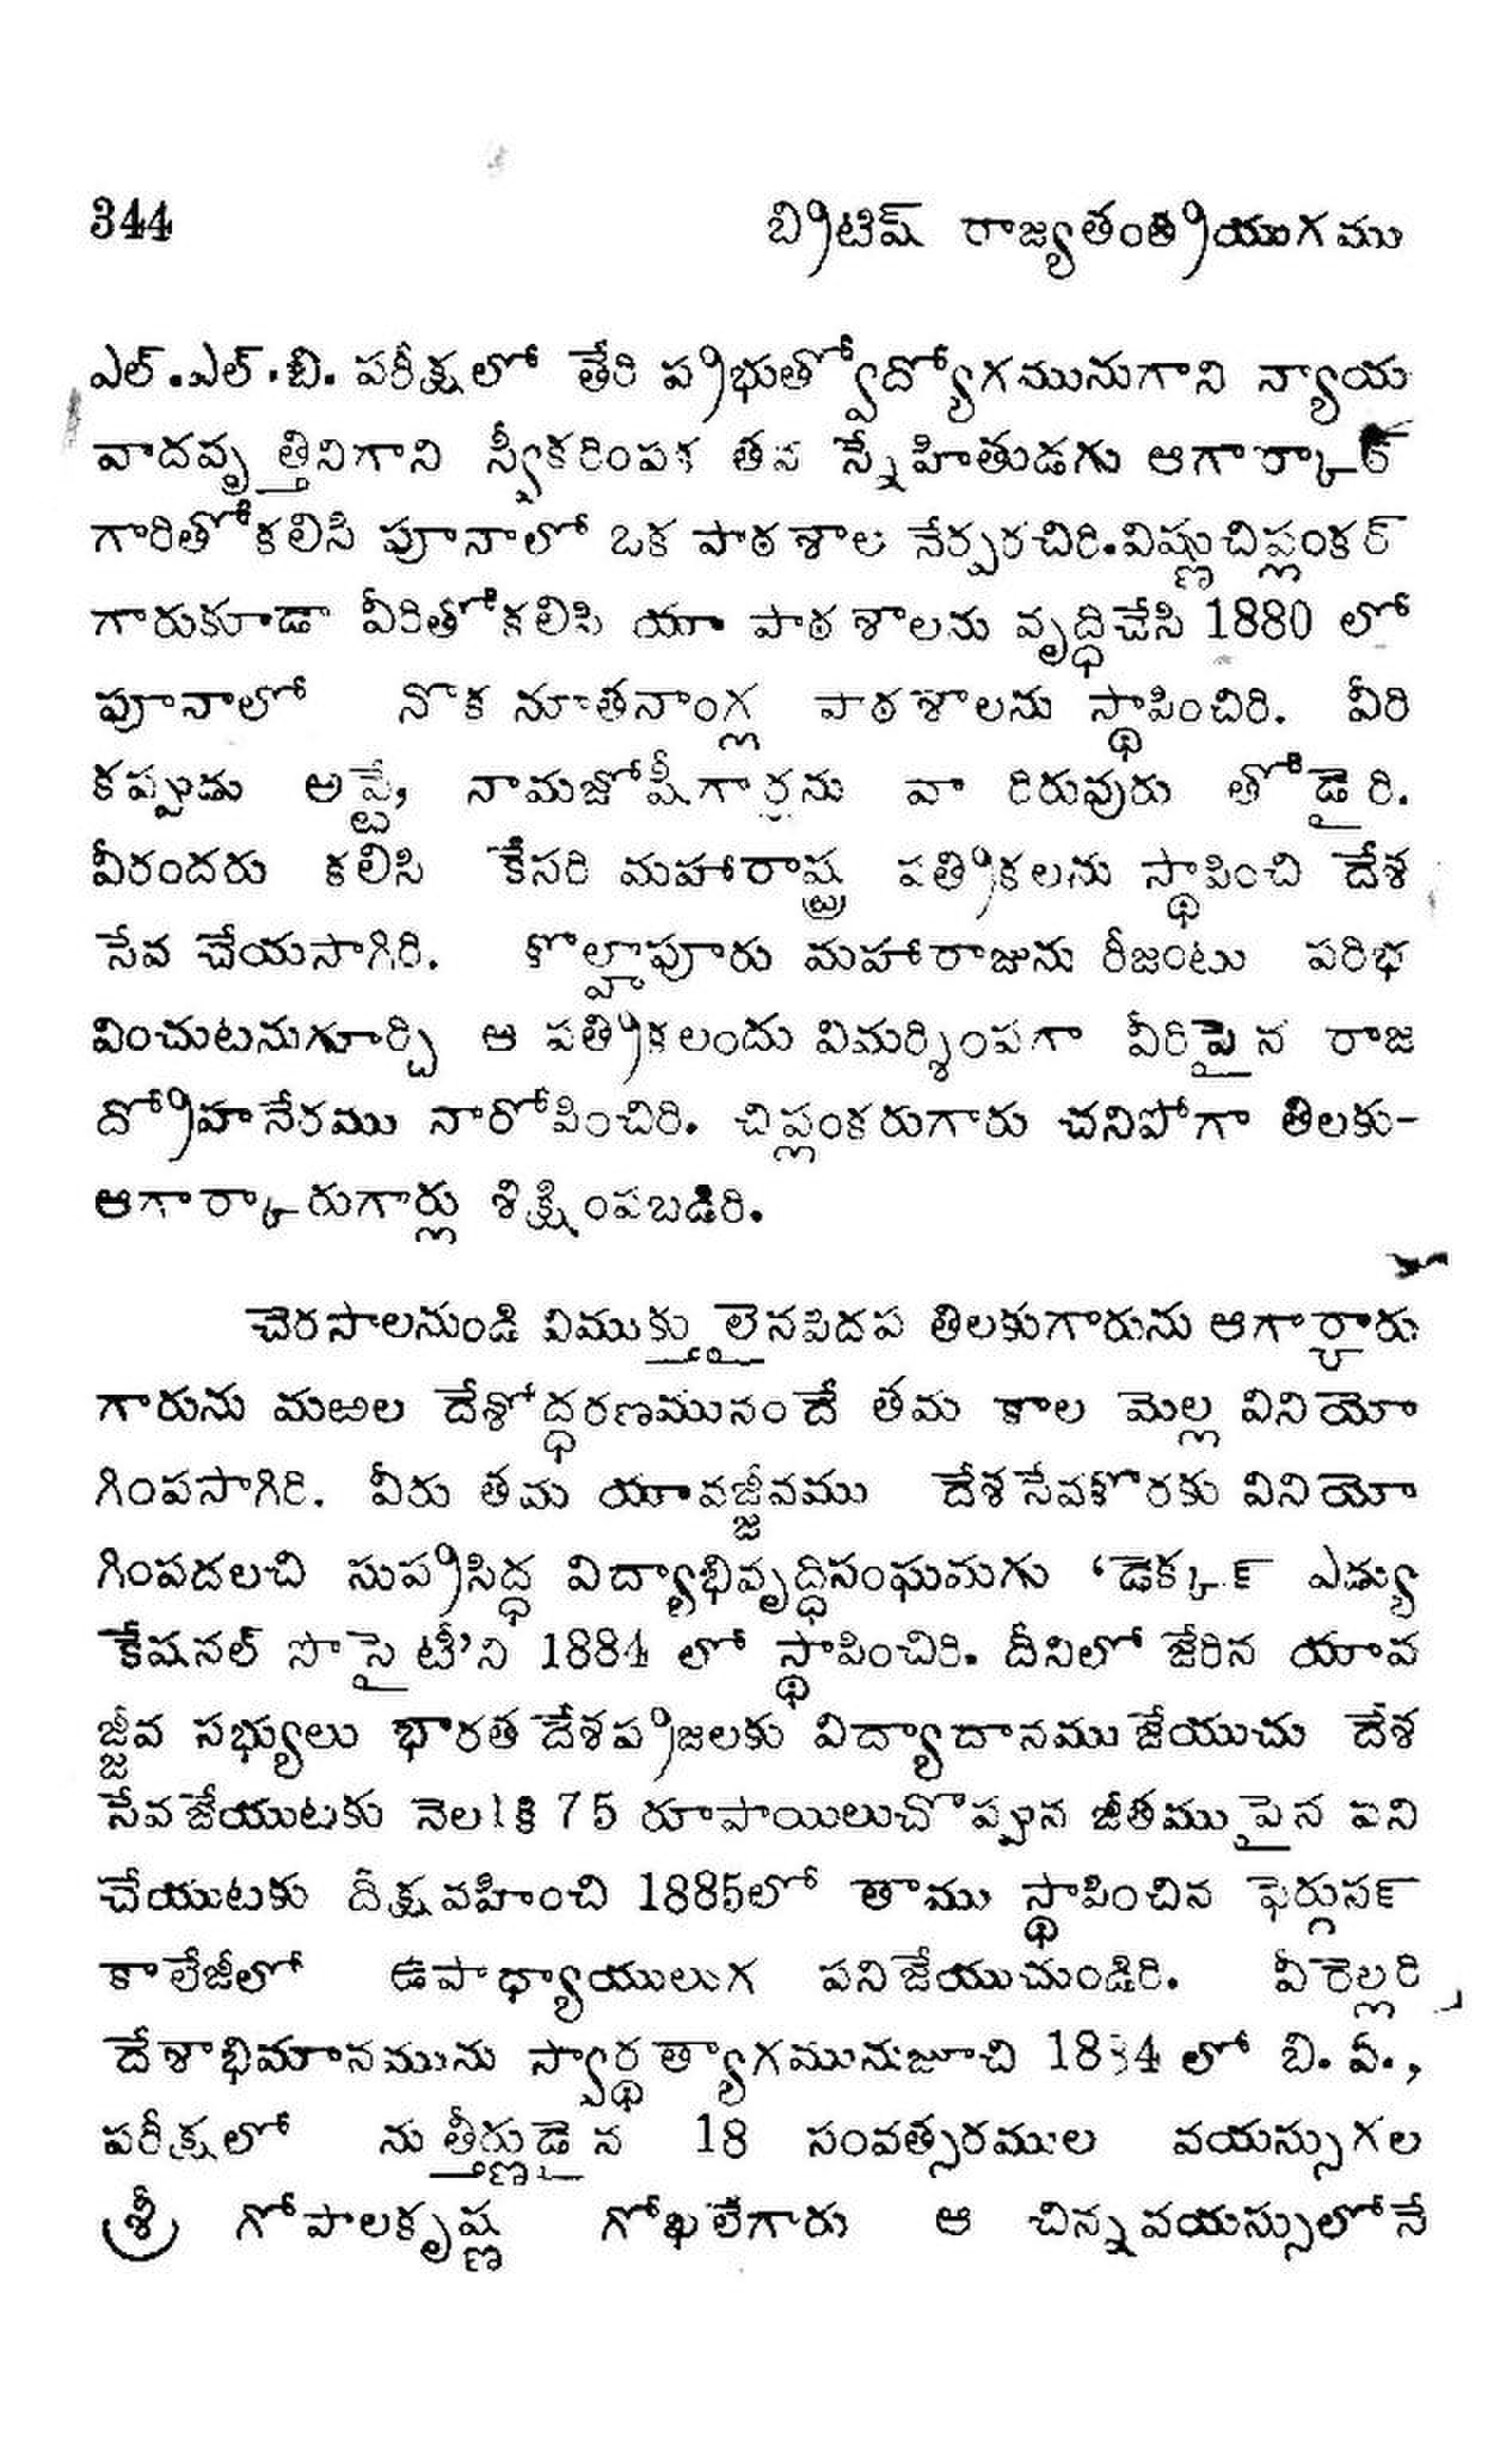ఎల్.ఎల్. బి. పరీక్షలో తేరి ప్రభుత్వోద్యోగమునుగాని న్యాయవాదవృత్తినిగాని స్వీకరింపక తన స్నేహితుడగు ఆగార్కార్ గారితో కలిసి పూనాలో ఒక పాఠశాల నేర్పరచిరి. విష్ణుచిప్లంకర్ గారుకూడా వీరితోకలిసి యా పాఠశాలను వృద్ధిచేసి 1880 లో పూనాలో నొక నూతనాంగ్ల పాఠశాలను స్థాపించిరి. వీరి కప్పుడు అప్టే, నామజోషీగార్లను వా రిరువురు తోడైరి. వీరందరు కలిసి కేసరి మహారాష్ట్ర పత్రికలను స్థాపించి దేశసేవ చేయసాగిరి. కొల్హాపూరు మహారాజును రీజంటు పరిభవించుటనుగూర్చి ఆ పత్రికలందు విమర్శింపగా వీరిపైన రాజద్రోహనేరము నారోపించిరి. చిప్లంకరుగారు చనిపోగా తిలకు - ఆగార్కారుగార్లు శిక్షింపబడిరి.

చెరసాలనుండి విముక్తులైనపిదప తిలకుగారును ఆగార్కారుగారును మఱల దేశోద్ధరణమునందే తమ కాల మెల్ల వినియోగింపసాగిరి. వీరు తమ యావజ్జీవము దేశసేవకొరకు వినియోగింపదలచి సుప్రసిద్ధ విద్యాభివృద్ధిసంఘమగు 'డెక్క౯ ఎడ్యుకేషనల్ సొసైటీ' ని 1884 లో స్థాపించిరి. దీనిలో జేరిన యావజ్జీవ సభ్యులు భారతదేశప్రజలకు విద్యాదానముజేయుచు దేశసేవజేయుటకు నెల 1కి 75 రూపాయిలుచొప్పున జీతముపైన పనిచేయుటకు దీక్షవహించి 1885లో తాము స్థాపించిన ఫెర్గుస౯ కాలేజీలో ఉపాధ్యాయులుగ పనిజేయుచుండిరి. వీరెల్లరి, దేశాభిమానమును స్వార్థత్యాగమునుజూచి 1884 లో బి. ఏ. , పరీక్షలో నుత్తీర్ణుడైన 18 సంవత్సరముల వయస్సుగల శ్రీ గోపాలకృష్ణ గోఖలేగారు ఆ చిన్న వయస్సులోనే